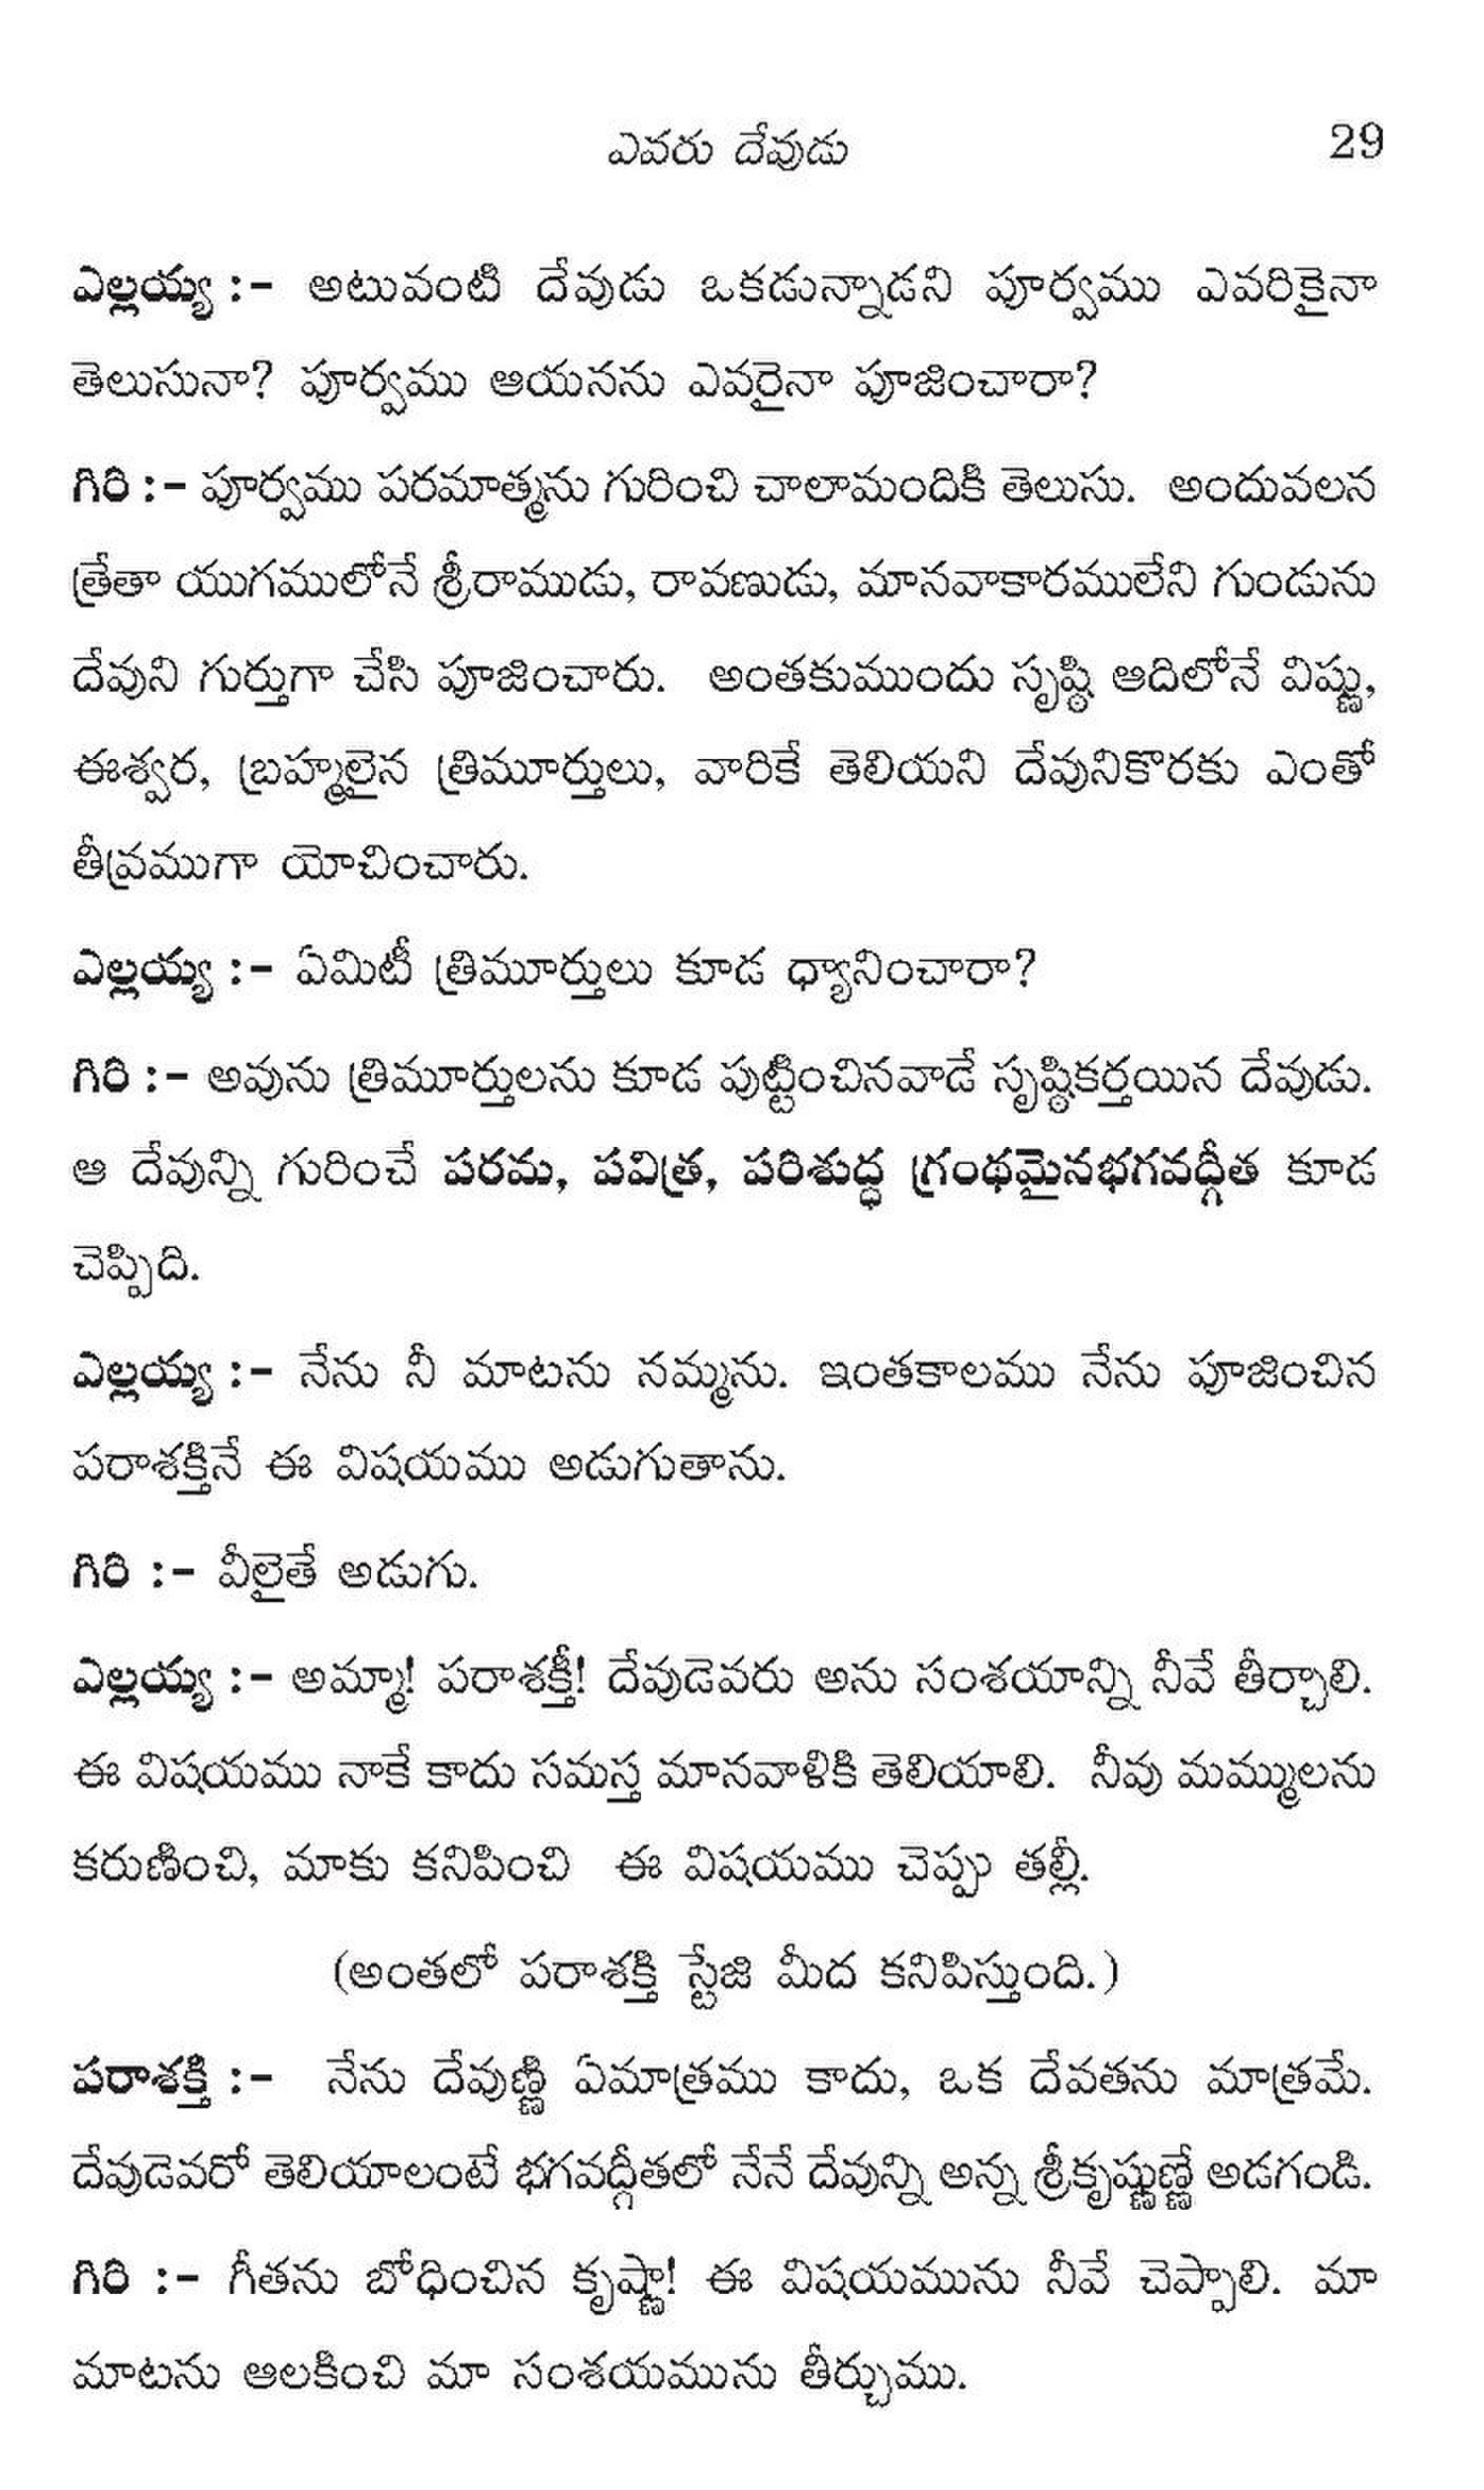ఎల్లయ్య :- అటువంటి దేవుడు ఒకడున్నాడని పూర్వము ఎవరికైనా తెలుసునా? పూర్వము ఆయనను ఎవరైనా పూజించారా?

గిరి :- పూర్వము పరమాత్మను గురించి చాలామందికి తెలుసు. అందువలన త్రేతా యుగములోనే శ్రీరాముడు, రావణుడు, మానవాకారములేని గుండును దేవుని గుర్తుగా చేసి పూజించారు. అంతకుముందు సృష్ఠి ఆదిలోనే విష్ణు, ఈశ్వర, బ్రహ్మలైన త్రిమూర్తులు, వారికే తెలియని దేవునికొరకు ఎంతో తీవ్రముగా యోచించారు.

ఎల్లయ్య :- ఏమిటీ త్రిమూర్తులు కూడ ధ్యానించారా?

గిరి :- అవును త్రిమూర్తులను కూడ పుట్టించినవాడే సృష్ఠికర్తయిన దేవుడు. ఆ దేవున్ని గురించే పరమ, పవిత్ర, పరిశుద్ధ గ్రంథమైనభగవద్గీత కూడ చెప్పిది.

ఎల్లయ్య :- నేను నీ మాటను నమ్మను. ఇంతకాలము నేను పూజించిన పరాశక్తినే ఈ విషయము అడుగుతాను.

గిరి :- వీలైతే అడుగు.

ఎల్లయ్య :- అమ్మా! పరాశక్తీ! దేవుడెవరు అను సంశయాన్ని నీవే తీర్చాలి. ఈ విషయము నాకే కాదు సమస్త మానవాళికి తెలియాలి. నీవు మమ్ములను కరుణించి, మాకు కనిపించి ఈ విషయము చెప్పు తల్లీ.

పరాశక్తి :- నేను దేవుణ్ణి ఏమాత్రము కాదు, ఒక దేవతను మాత్రమే. దేవుడెవరో తెలియాలంటే భగవద్గీతలో నేనే దేవున్ని అన్న శ్రీకృష్ణుణ్ణే అడగండి.

గిరి :- గీతను బోధించిన కృష్ణా! ఈ విషయమును నీవే చెప్పాలి. మా మాటను ఆలకించి మా సంశయమును తీర్చుము.